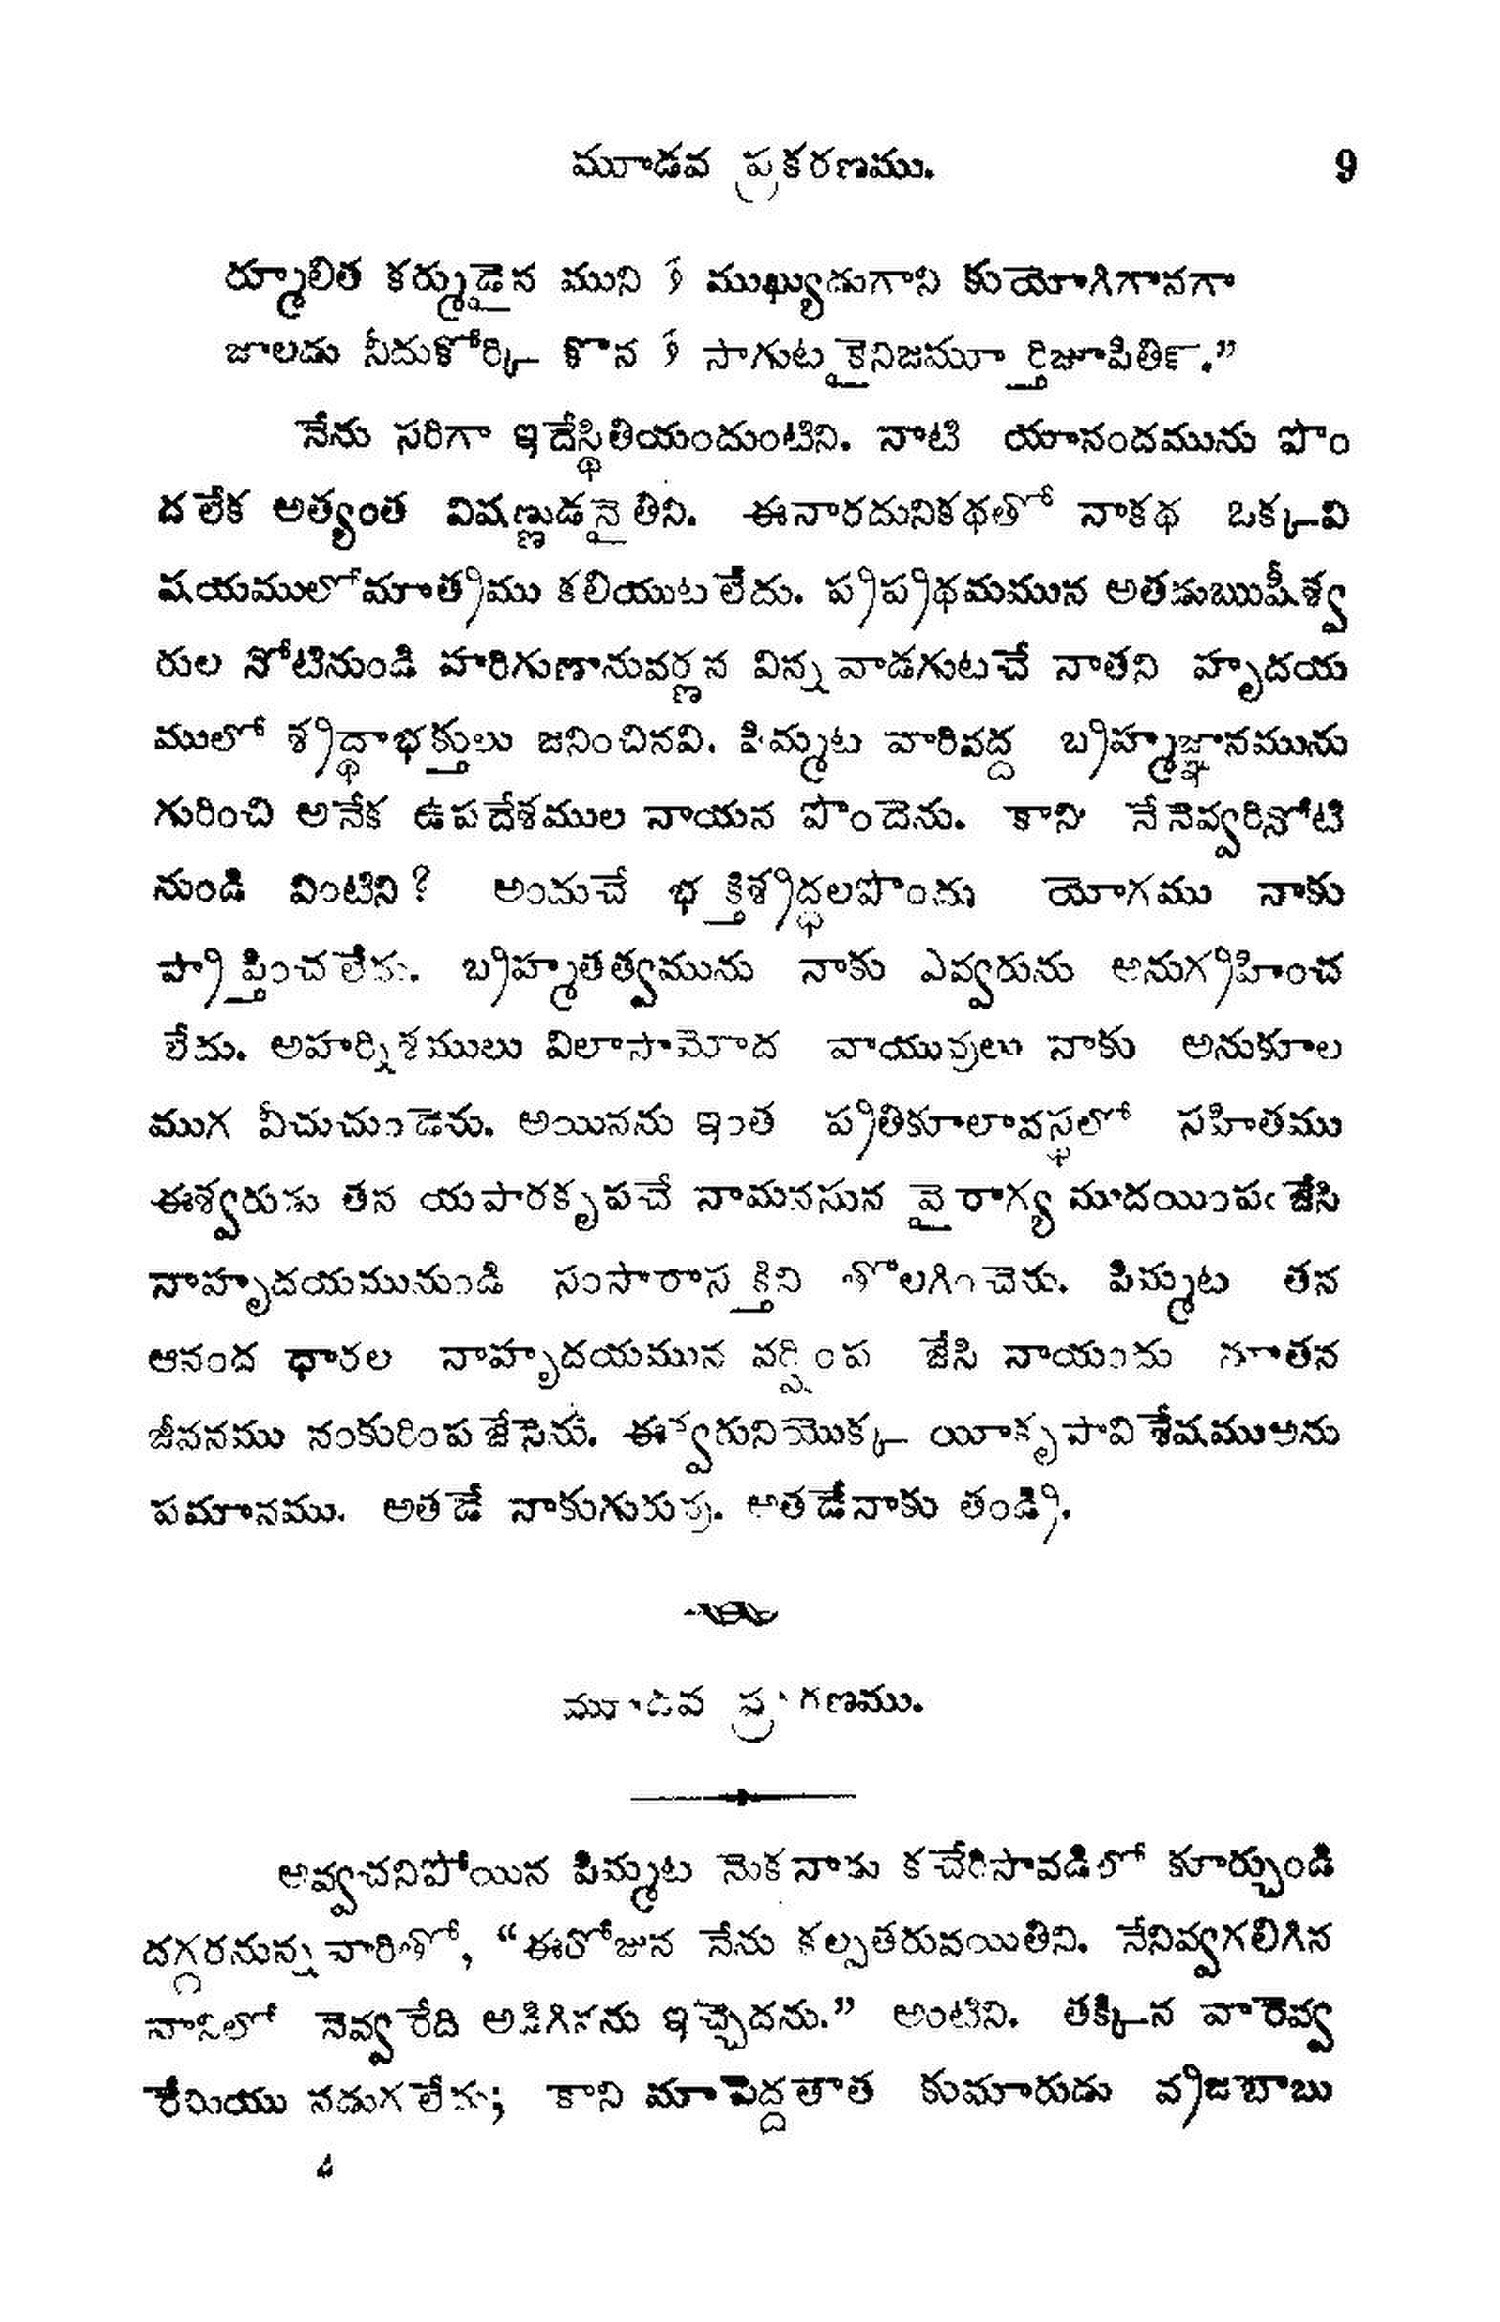ర్మూలిత కర్ముడైన ముని ముఖ్యుడుగానీ కుయోగిగానగా 
జూలడు సీదుకోర్కి కొన , సాగుట కైనిజమూ జూపితిన్".

నేను సరిగా ఇదేస్థితి యందుంటిని. నాటి యానందమును పొందలేక అత్యంత విషణ్ణుడ నైతిని. ఈనారదుని కథతో నాకథ ఒక్కవిషయములో మాత్రము కలియుట లేదు. ప్రప్రథమమున అతడు ఋషీశ్వరుల నోటినుండి హరిగుణాను వర్లన విన్న వాడగుటచే నాతని హృదయములో శ్రద్ధాభక్తులు జనించినవి. పిమ్మట వారి వద్ద బ్రహ్మజ్ఞానమును గురించి అనేక ఉప దేశముల నాయన పొందెను. కాని నేనెవ్వరినోటి నుండి వింటిని ? అందుచే భక్తిశ్రద్ధలపొందు యోగము నాకు ప్రాప్తించ లేదు. బ్రహ్మతత్వమును నాకు ఎవ్వరును అనుగ్రహించ లేదు. అహర్నిశములు విలాసామోద వాయువులు నాకు అనుకూలముగ వీచుచుండెను. అయినను ఇంత ప్రతికూలావస్తలో సహితము ఈశ్వరుకు తన యపారకృపచే నామనసున వైరాగ్య ముదయింపఁ జేసి నాహృదయము నుండి సంసారాసక్తిని తొలగించెను. పిమ్మట తన ఆనంద ధారల నాహృదయమున వర్షింపజేసి నాయందు నూతన జీవనము నంకురింప జేసెను. ఈశ్వరుని యొక్క యీకృపావి శేషము అనుపమానము. అతడే నాకు గురుపు. అతడేనాకు తండ్రి,

ఆవ్వ చనిపోయిన పిమ్మట ఒక నాడు కచేరి సావడిలో కూర్చుండి దగ్గరనున్న వారిలో, “ఈరోజున నేను కల్పతరువయితిని. నేనివ్వగలిగిన వానిలో నెవ్వరేది అడిగిసను ఇచ్చెదను.” అంటిని. తక్కిన వారెవ్వ రేమియు నడుగ లేదు; కాని మా పెద్ద తాత కుమారుడు వ్రజబాబు